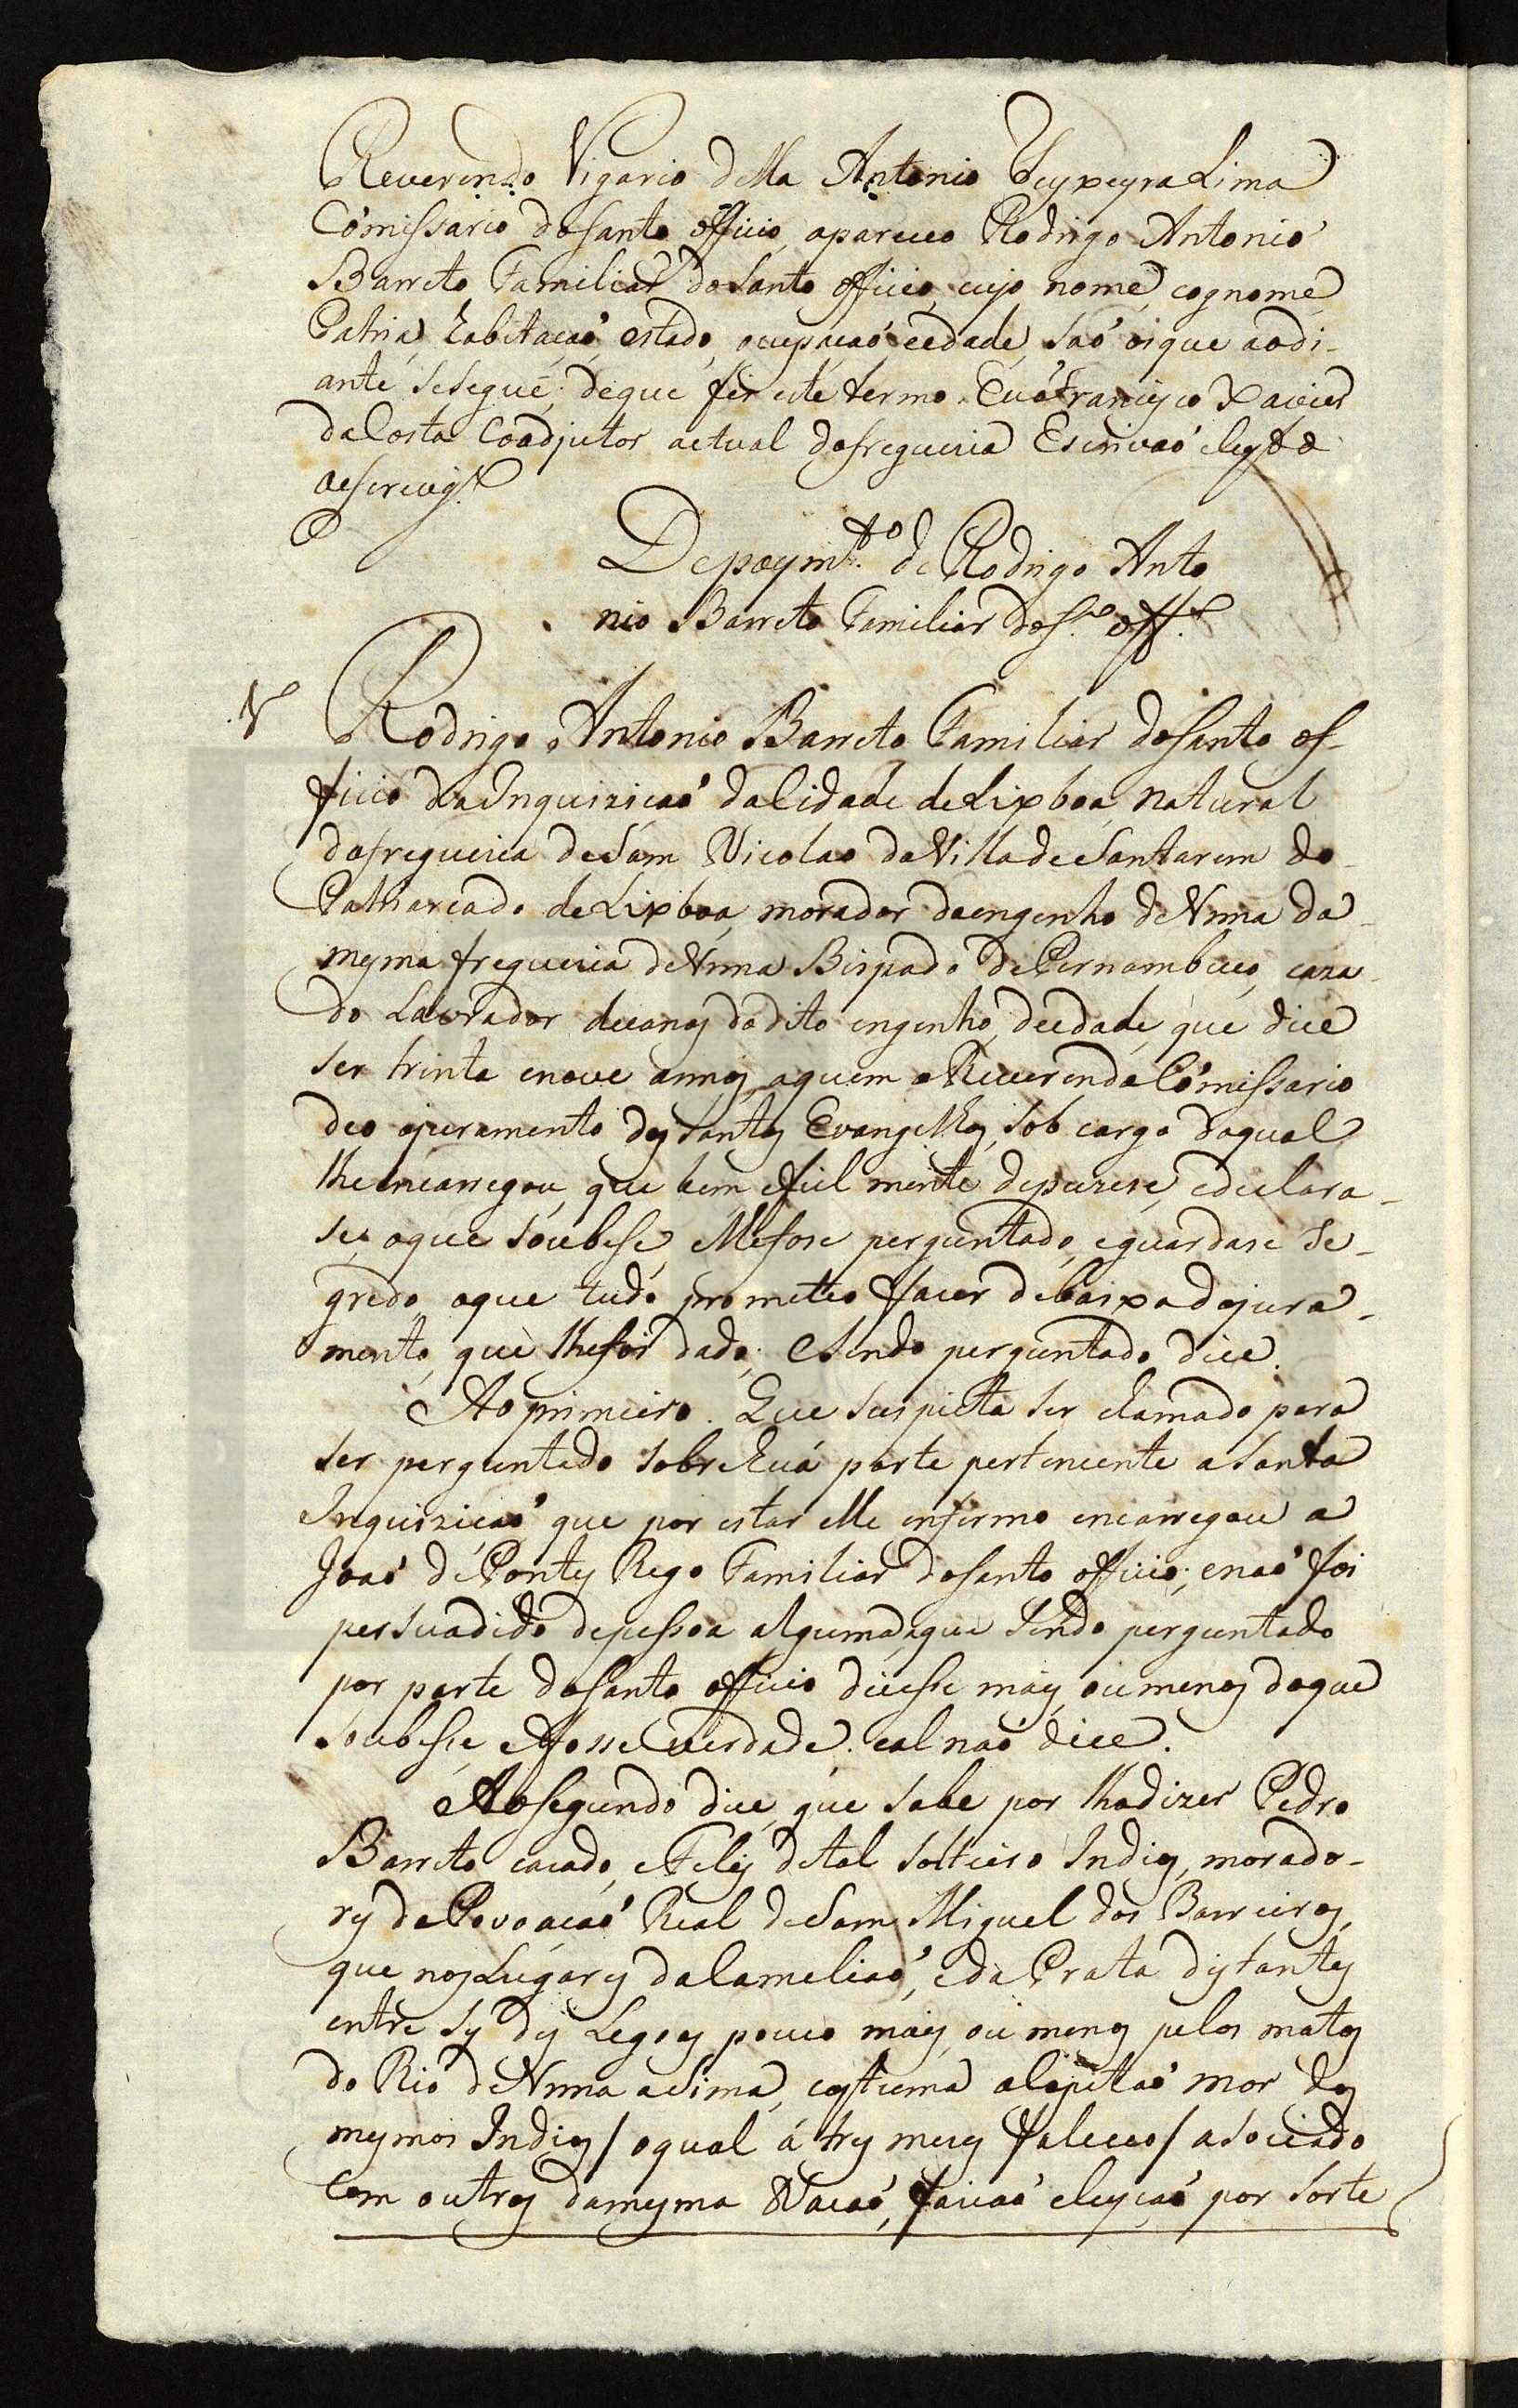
Reverendo Vigario della Antonio Teyxeyra Lima
Cōmissario do santo officio, apareceo Rodrigo Antonio
Barreto Familiar do Santo officio, cujo nome, cognome
Patria, habitaçaõ, estado, ocupaçaõ e edade, saõ os que ao di
ante se segue; de que fis este termo. Eu o Francisco Xavier
da Costa Coadjutor actual da freguesia Escrivaõ eleyto
o escrevy
Depoym.to de Rodrigo Anto
nio Barreto Familiar do sto. off.o
1.o Rodrigo Antonio Barreto Familiar do Santo of
ficio da Inquizicaõ da Cidade de Lixboa natural
da freguezia de Sam Nicolao da Villa de Santarem do
Patriarcado de Lixboa, morador do engenho de Vnna da
mesma freguezia de Vnna Bispado de Pernambuco, caza
do Lavrador de canas do dito engenho, de edade, que dice
ser trinta e nove annos, a quem o Reuerendo Comissario
deo juramento dos santos Evangelhos sob cargo do qual
lhe encarregou, que bem e fielmente depuzese, e declara
se o que soubese e lhe fose perguntado e guardar se
gredo o que tudo prometeo fazer debaixo do jura
mento que lhe foi dado; e sendo perguntado dice.
Ao primeiro. Que suspicta ser chamado para
ser perguntado sobre huā parte pertencente a Santa
Inquiziçaõ que por estar elle enfermo encarregou a
Joaõ de Pontes Rego Familiar do santo officio; e naõ foi
persuadido de pessoa alguma que sendo perguntado
por parte do santo officio dicesse mais ou menos do que
soubesse e fosse verdade e al naõ dice.
Ao segundo dice que sabe por lho dizer Pedro
Barreto cazado e Felis de tal solteiro Indios, morado
res da Povoaçaõ Real de Sam Miguel dos Barreiros,
que nos Lugares do Cameliaõ, e da Prata distantes
entre sy des Legoas pouco mais ou menos pelos matos
do Rio de Vnna aSima, costuma o Capitaõ Mor dos
mesmos Indios / o qual á tres meses faleceo/ asociado
com outros da mesma Nação, faziaõ eleyçaõ por sorte
